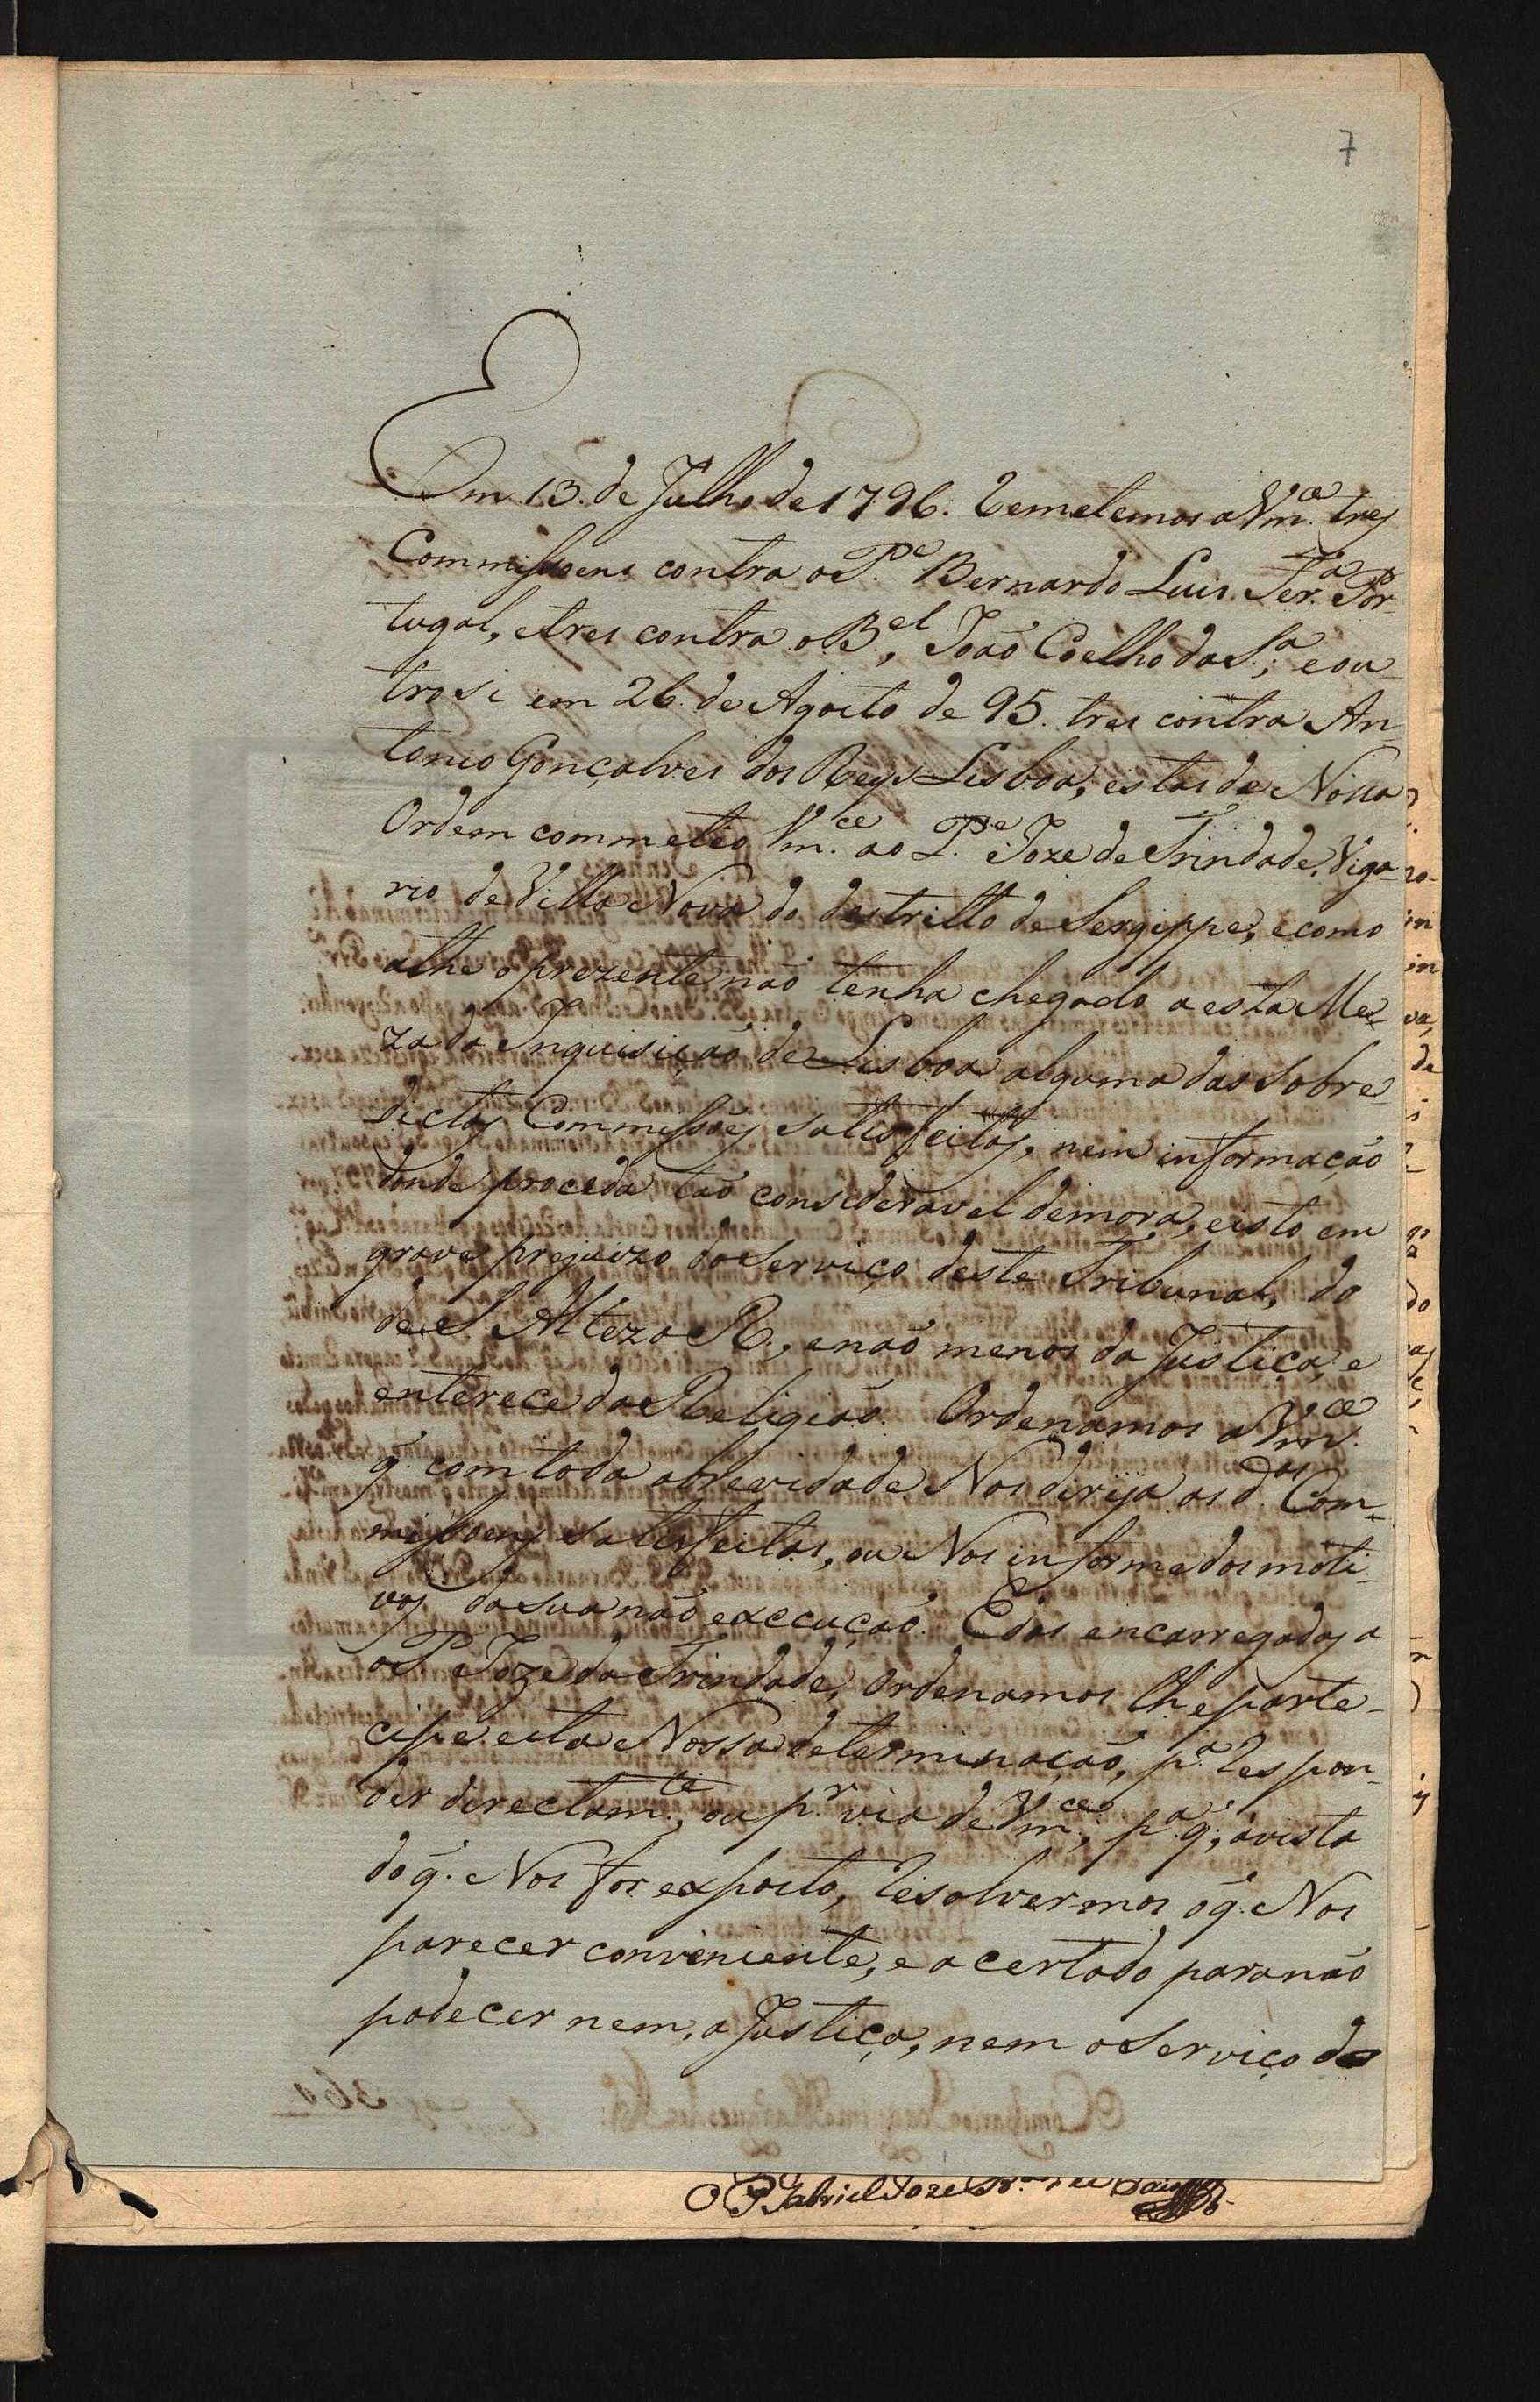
Em 13. de Julho de 1796. Remetemos a Vm.ce tres
Commissoens contra o P.e Bernardo Luis Fer.a Por
tugal, e tres contra o B.el, Ioaõ Coelho da S.a; e ou
trosi em 26 de Agosto de 95. tres contra An
tonio Gonçalves dos Reys Lisboa, estas de Nossa
Ordem commeteo Vm.ce ao P.e Ioze de Trindade Viga
rio de Villa Nova do destritto de Sergippe, e como
athe o prezente naõ tenha chegado a esta Me
za da Inquisiçaõ de Lisboa alguma das Sobre
dictas Commissoẽs satisfeitas, nem informaçaõ
donde proceda taõ consideravel demora, e isto em
grave prejuizo do Serviço deste Tribunal, do
de S. Alteza R., e naõ menos da Justiça, e
enterece da Religiaõ. Ordenamos a Vm.ce
q̄ com toda a brevidade Nos dirija as d.as Com
missoens Satisfeitas, ou Nos informe dos moti
vos da sua naõ execuçaõ. E das encarregadas a
o P Ioze da Trindade, ordenamos lhe parte
cipe esta Nossa determinaçaõ, p.a Respon
der directam.te, ou p.r via de Vmce, pa q; a vista
do q̄. Nos for exposto, Resolvermos o q̄ Nos
parecer conveniente, e acertado, para naõ
padecer nem, a Justiça, nem o Serviço do
